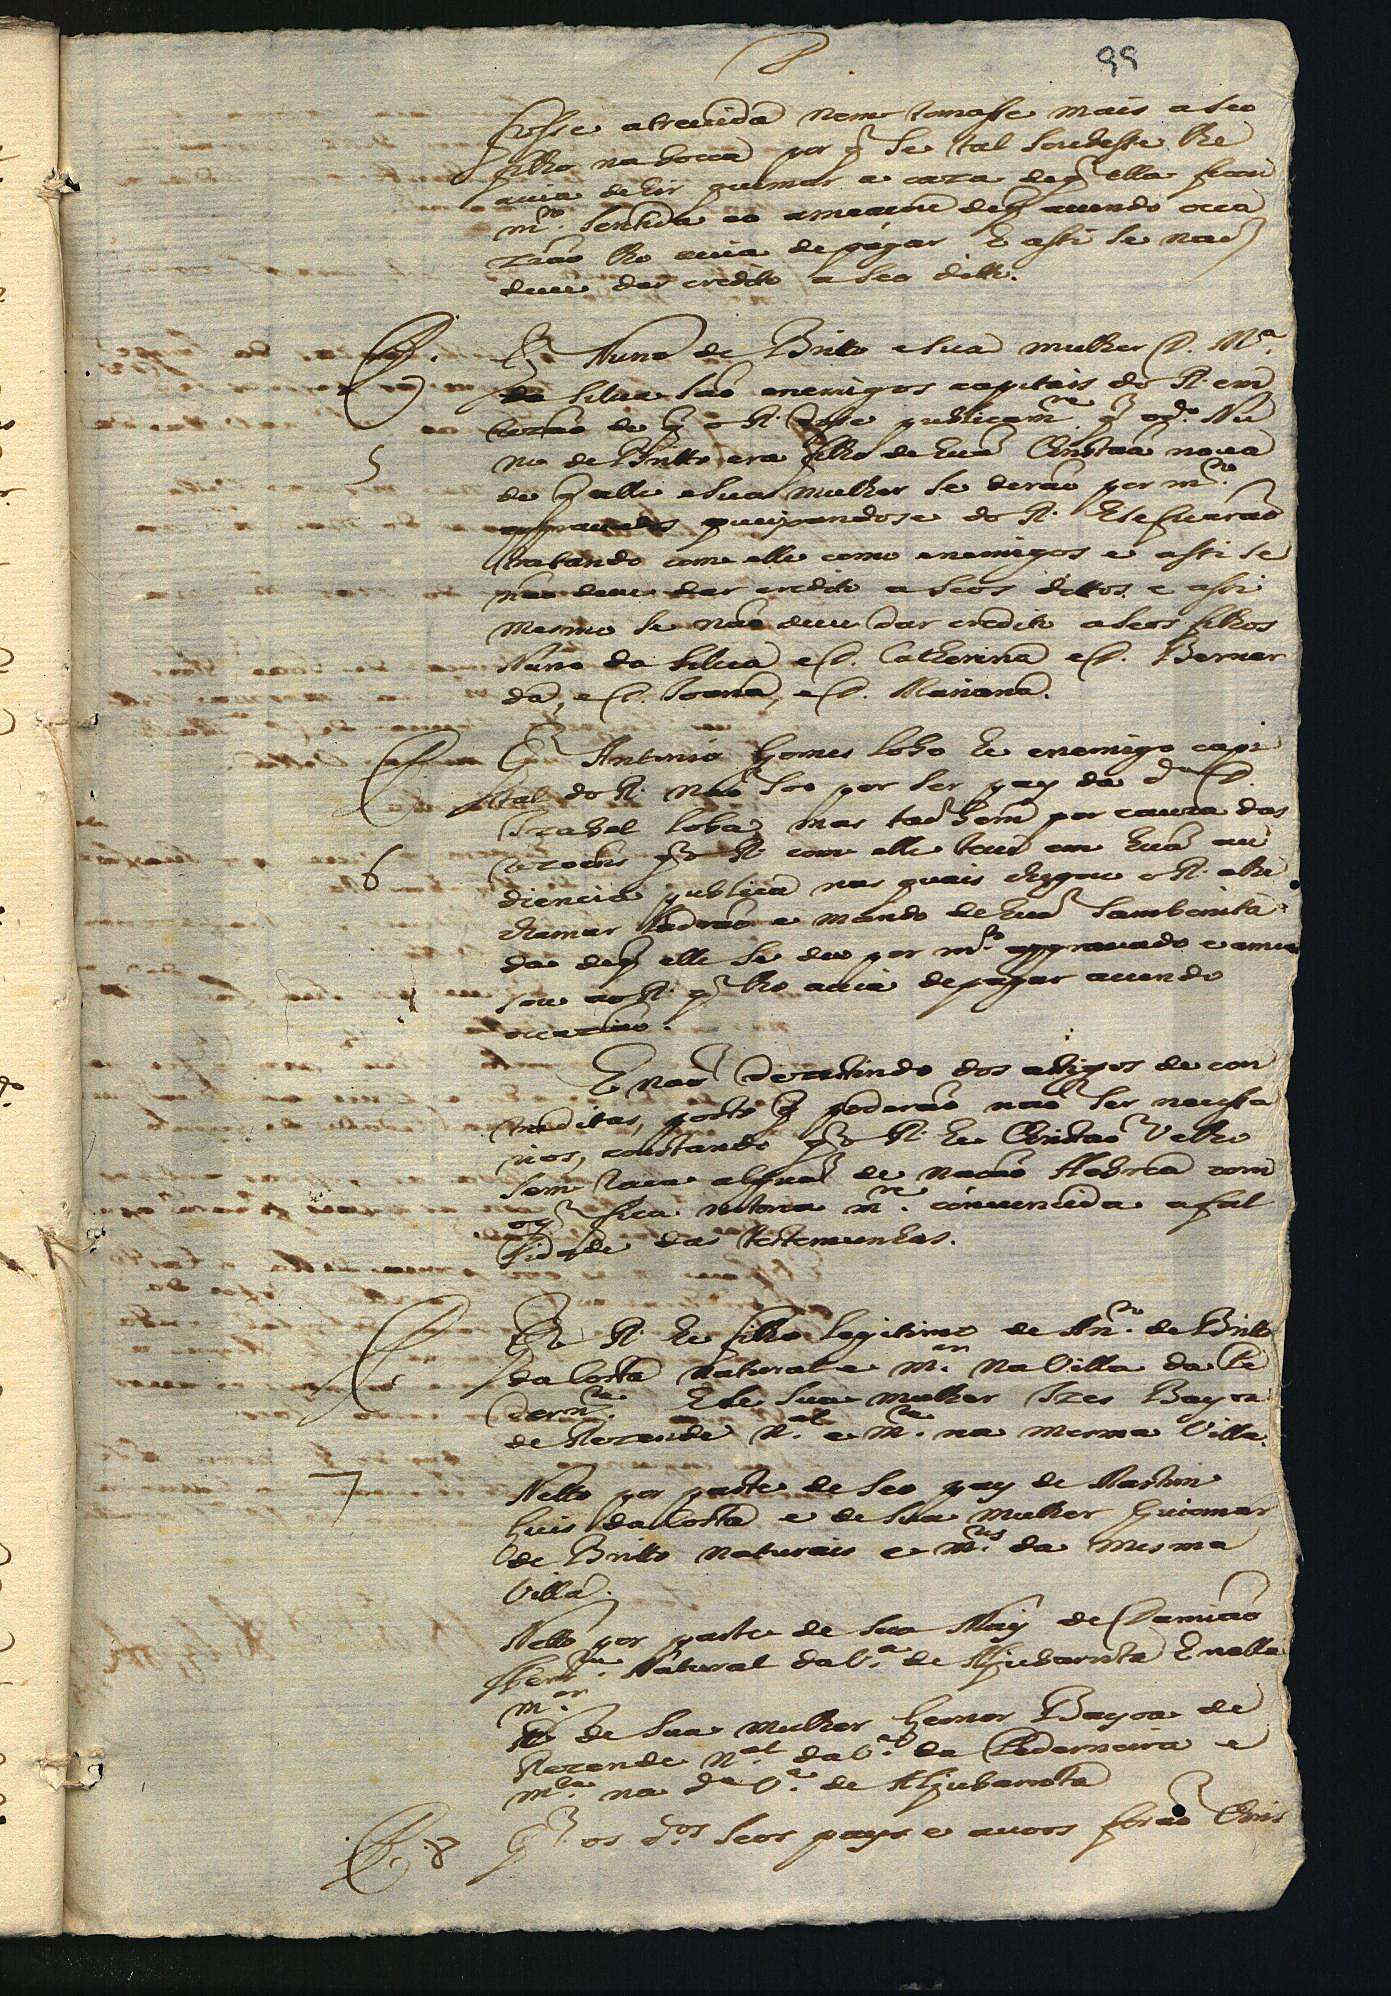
fosse atreuida nem tomasse mais a seo
filho na bocca porq̄ se tal soubesse lhe
auia de hir quemar a caza de q̄ ella ficou
mto. sentida e o ameaçou de q̄ auendo occa
ziaõ lho auia de pagar E assi se naõ
deue dar credito a seo ditto.
P. Q̄ Nuno de Britto e sua mulher D. Ma.
da silua saõ enemigos capitais do R. em
Rezão de q̄ o R. disse publicamte. q̄ o d.o Nu
5
no de Britto era filho de huā Christaā noua
de q̄ elle e sua mulher se derão por m.to
aggrauados queixandose do R. E se ficarão
tratando com elle como enemigos e assi se
não deue dar credito a seos dittos e assi
mesmo se não deue dar credito a seos filhos
Nuno da Silua e D. Catherina e D. Bernar
da, e D. Ioana, e D. Mariana.
P Q̄ Antonio Gomes lobo he enemigo capi
tal do R. naõ soo por ser pay da da D.
Izabel loba mas taõbem por cauza das
Rezoen̄s q̄ o R com elle teue em huā au
6
diencia publica nas quais chegou o R. a lhe
chamar ladrão e marido de huā sambenita
da de q̄ elle se deo por m.to aggravado e amea
sou ao R. q̄ lho auia de pagar auendo
occazião.
E naõ dezestindo dos artigos de con
traditas, posto q̄ poderão naõ ser necessa
rios, constando q̄ o R. he Christaõ Velho
sem Raça alguā de nação Hebrea com
o q̄ fica notoriam.te conuencida a fal
sidade das testemunhas.
P. Q̄ R. he filho legitimo de Ant.o de Britto
da Costa natural e m.or na Villa da Pe
dernra E de sua mulher Izes Bayoa
de Rezende n.al e m.ra na mesma villa
7 Netto por parte de seo pay de Martim
Luis da Costa e de sua mulher Guiomar
de Britto naturais e m.res da mesma
villa.
Netto por parte de sua May de Damião
Ferrra. Natural da v.a de Aljubarrota E nella
mo.r
E de sua mulher Leonor Bayoa de
Rezende na.l da v.a da Pederneira e
mr.a na da va. de Aljubarrota
P. 8 Q̄ os d.os seos pays e auoos foraõ chris
